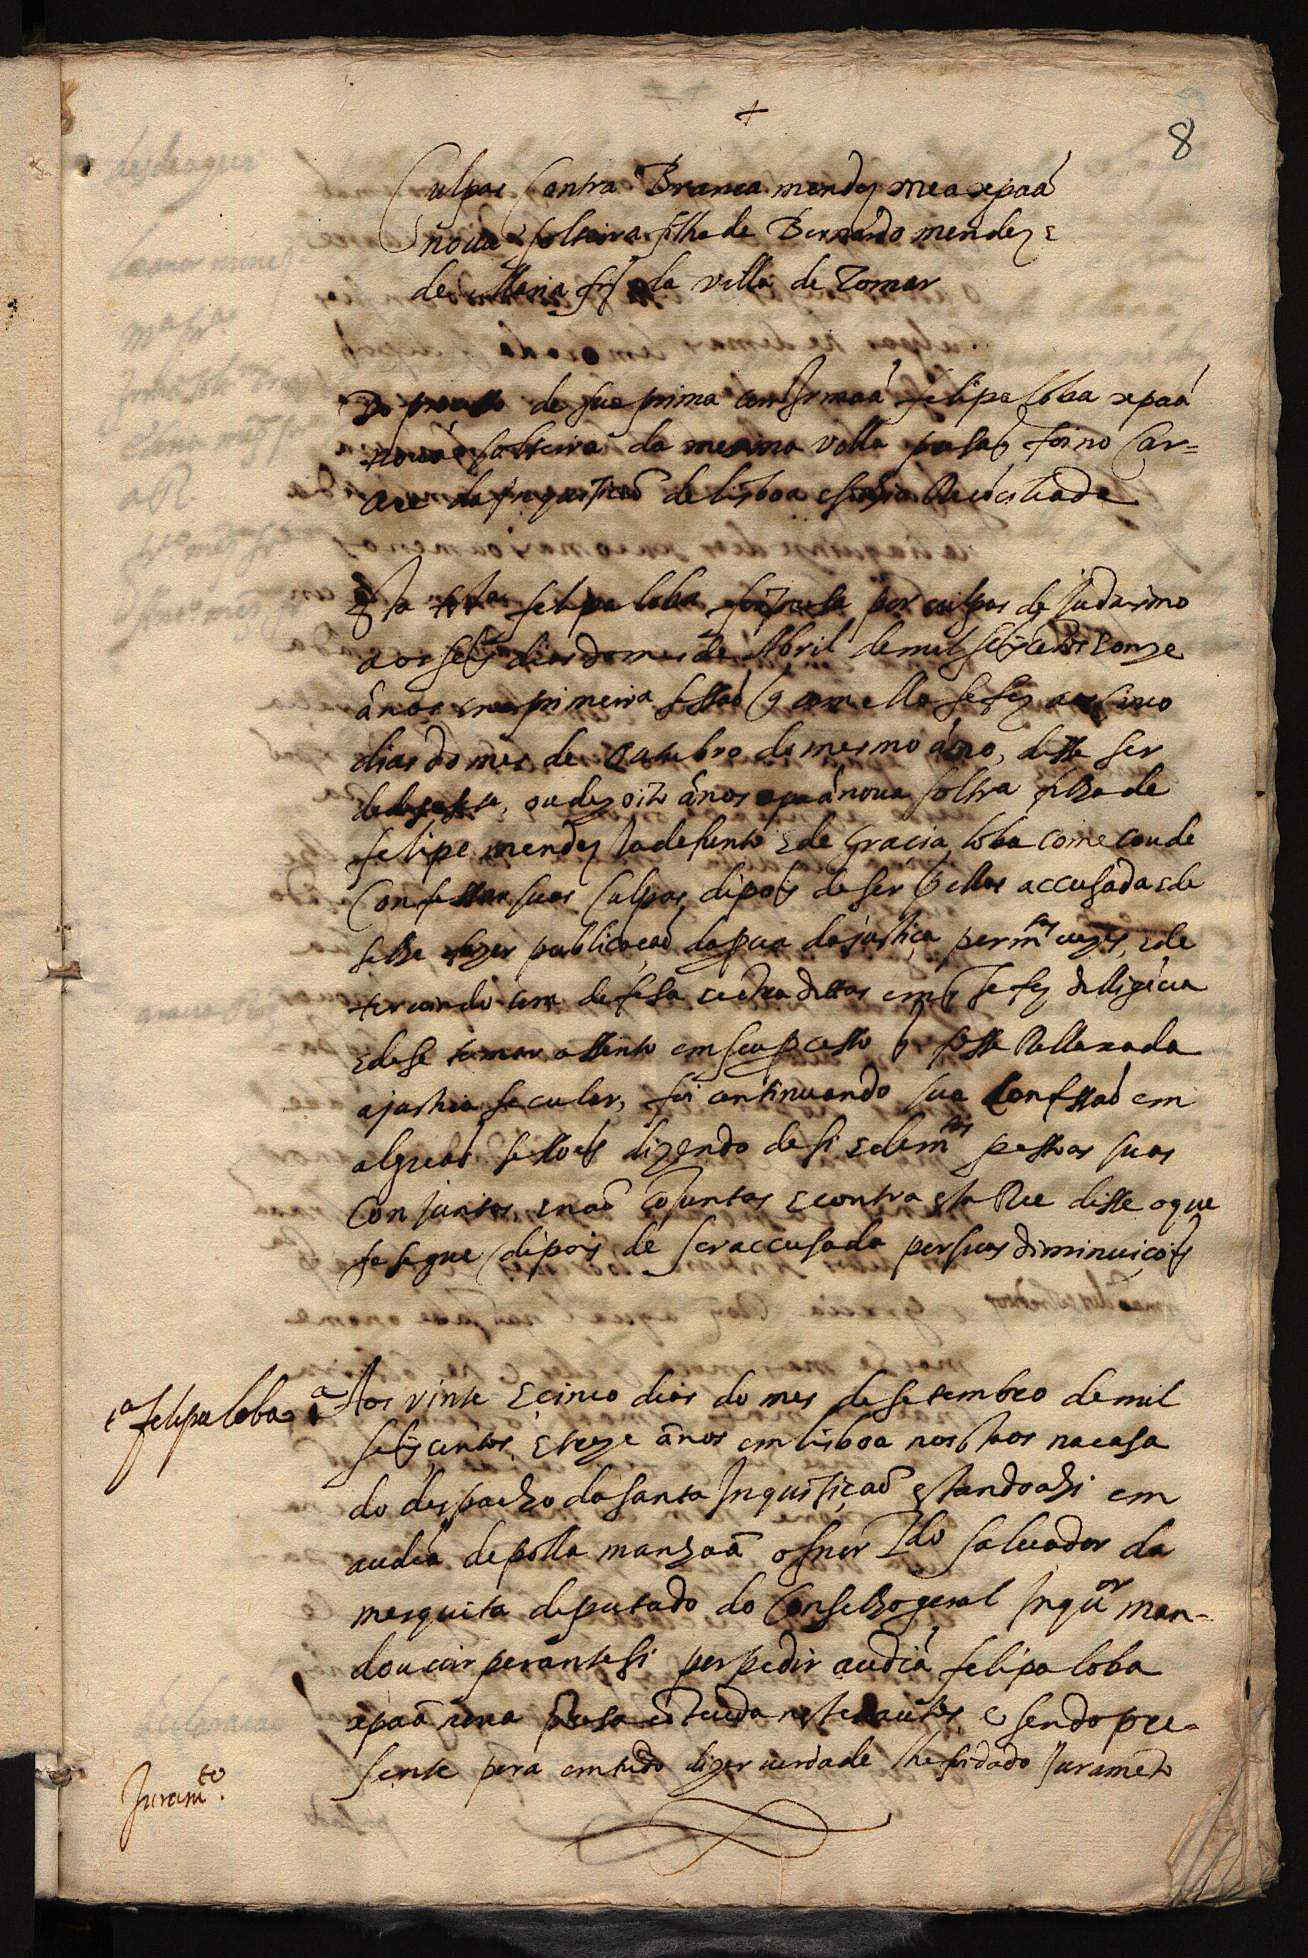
Culpas Contra Branca mendez mea xpaā
noua solteira filha de Bernardo mendez
de Maria frz̄ da villa de Tomar
Do processo de sua prima com Jrmaā felipa Loba xpaā
noua solteira da mesma villa presa q̄ foi no Car
cere da Jnquisiçaõ de lisboa e sahio Recōciliada
esta testa felipa loba foi presa, por culpas de Judaismo
aos seis dias do mes de Abril de mil seiscētos E onze
an̄os e na primeira sessaõ q̄ com elle se fez aos Sinco
dias do mes de Outubro do mesmo an̄o, disse ser
de desasete, ou dezoito an̄os xpaā noua soltra filha de
felipe mendez Ja defunto E de Gracia, loba começou de
Confessar suas Culpas dipois de ser ꝑ ellas accusada E de
se lhe fazer publicaçaõ da ꝓua da justiça per mtas uezes, e de
ter uimdo com defesa e cōtradittas em q̄ se fez dilligēcia
E dise tomar assento em seu ꝓcesso q̄ fosse Rellaxada
a justiça secular, foi continuando sua confissaõ em
alguas sessoẽs dizendo de si E de mtas pessoas suas
Conjuntas E naõ cojuntas E contra esta Ree disse o que
se segue dipois de ser accusada per suas diminuiçoẽs
Aos vinte E cinco dias do mes de setembro de mil
ta felipa loba
seiscentos E treze ānos em lisboa nos staos na casa
do despacho da santa Jnquisiçaõ estando ahi em
audiā de polla manhaā o snor̄ Ldo Saluador da
mesquita deputado do Conselho geral Jnquor man
dou uir perante si por pedir audiā felipa loba
xpaā noua presa cōteuda neste autos, e sendo pre
sente pera em tudo dizer uerdade lhe foi dado Juramēto
Juram.to
